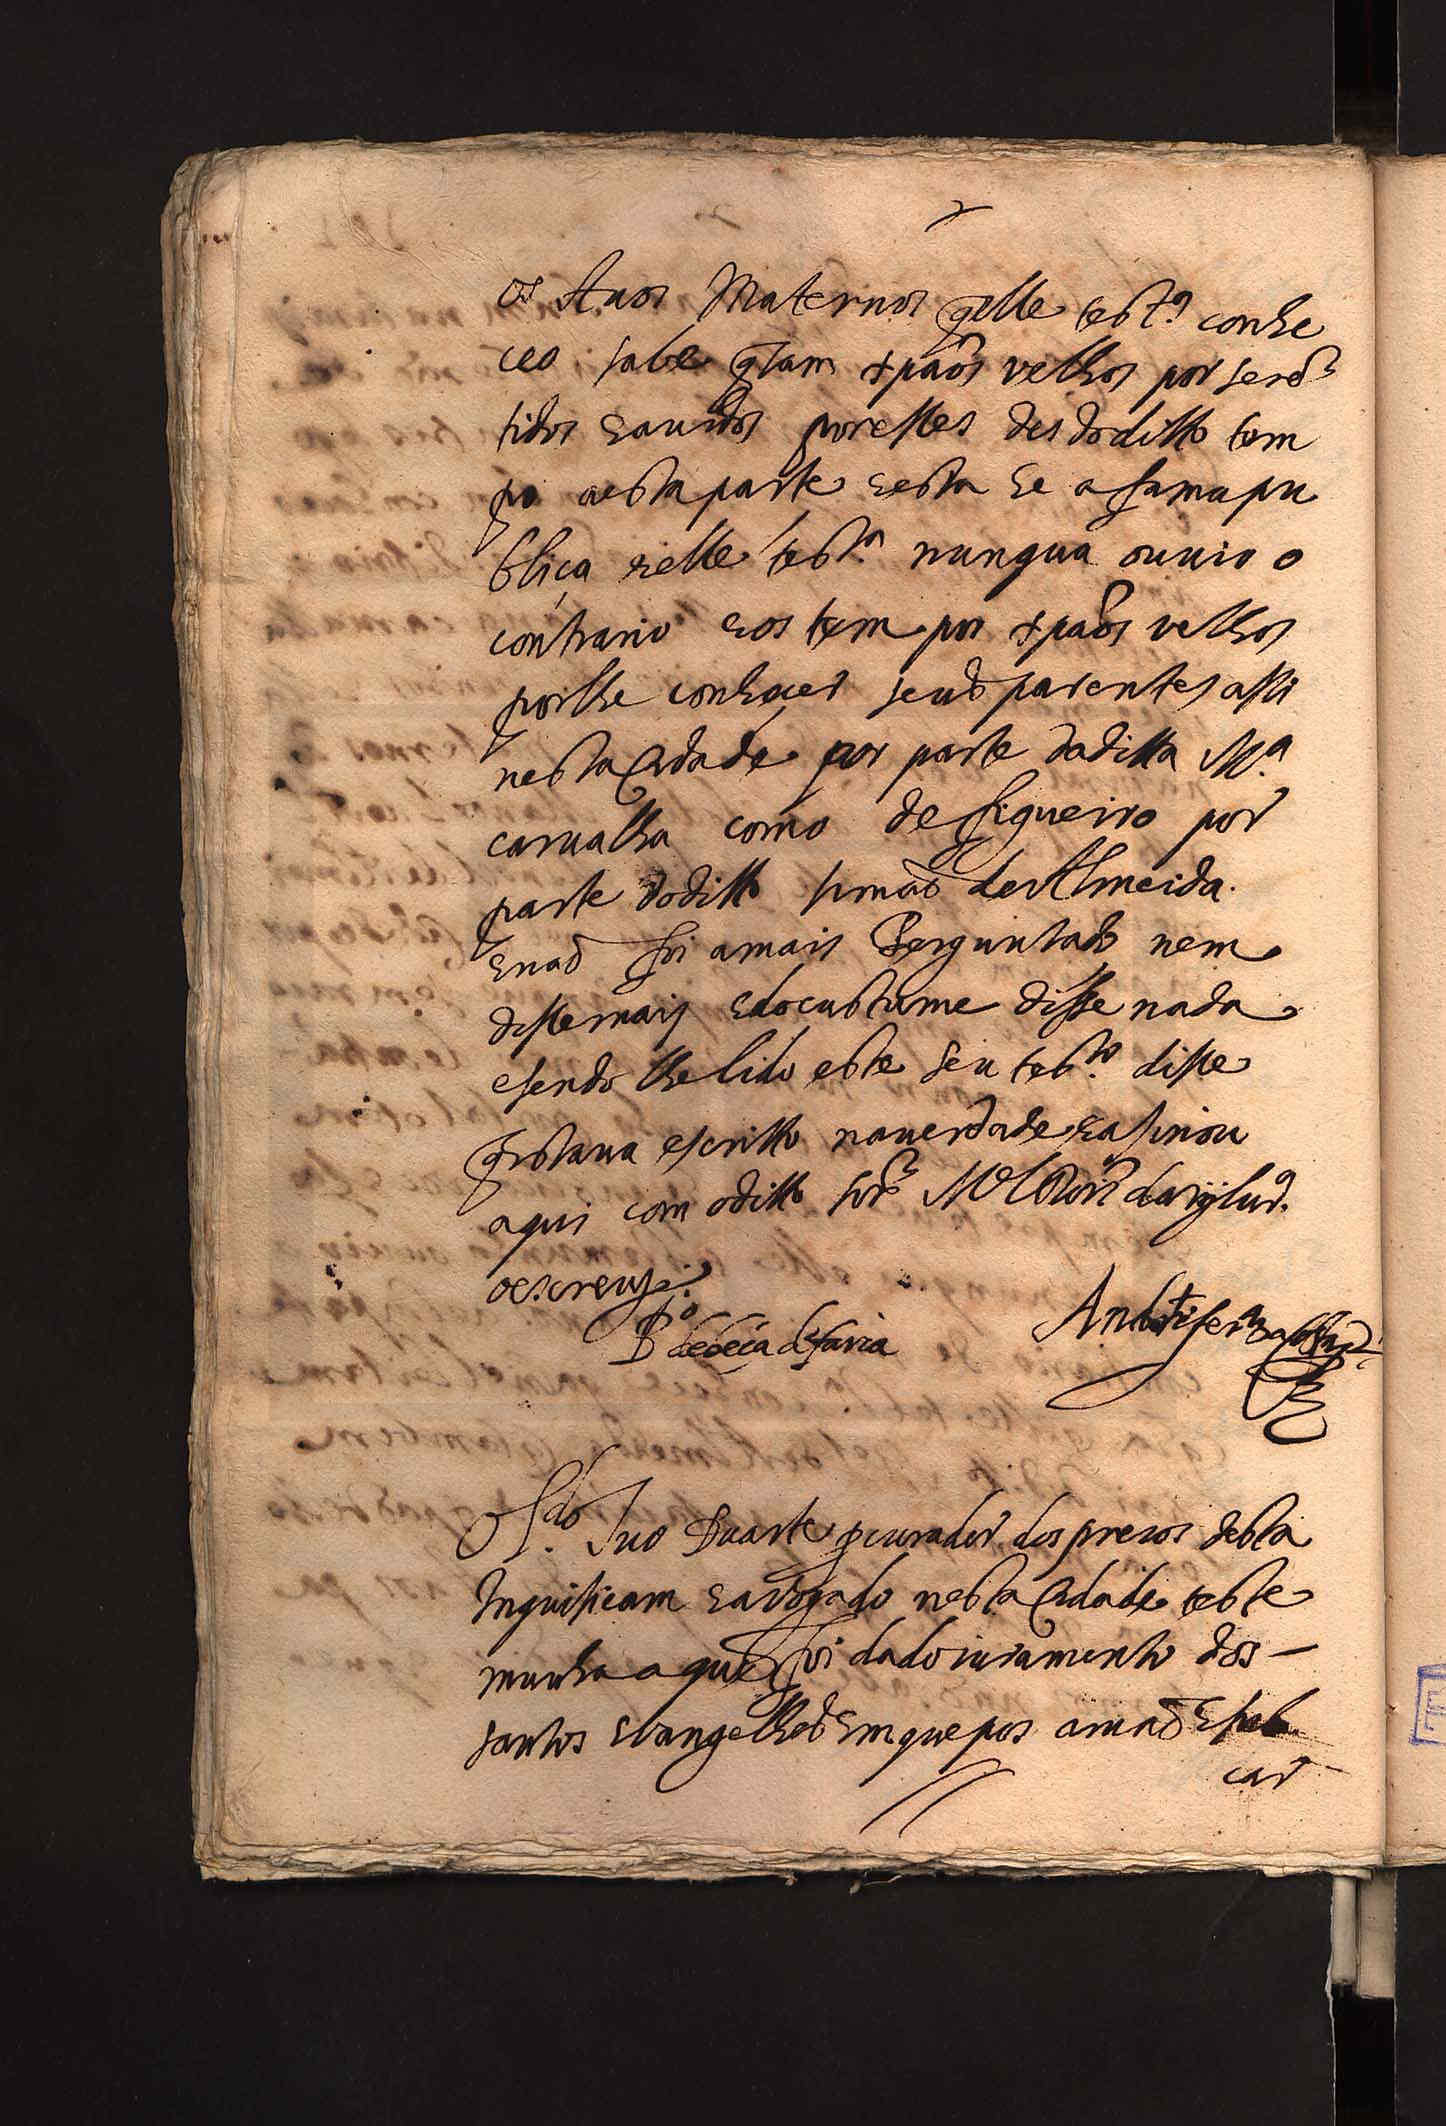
os Auos Maternos q̄ elle test.a conhe
ceo sabe q̄ sam xpaõs velhos por serē
tidos E auidos por esses des do ditto tem
po a esta parte E esta he a fama pu
blica E elle test.a nunqua ouuio o
contrario E os tem por xpaõs velhos
por lhe conhecer seus parentes assi
nesta Cidade por parte da ditta M.a
carualha como de figueiro por
parte do ditto simaõ de Almeida.
E naõ foi a mais Perguntado nem
disse mais E do custume disse nada
e sendo lhe lido este seu test.o disse
q̄ estaua escritto na uerdade E asinou
aqui com o ditto sor̄ Mel Roīz da sylura.
o escreuj.
O L.do Iuo Duarte ꝓcurador dos prezos desta
Inquisiçam E avogado nesta Cidade teste
munha a quē foi dado iuramento dos
santos Evangelhos Em que pos a maõ E sob
car
